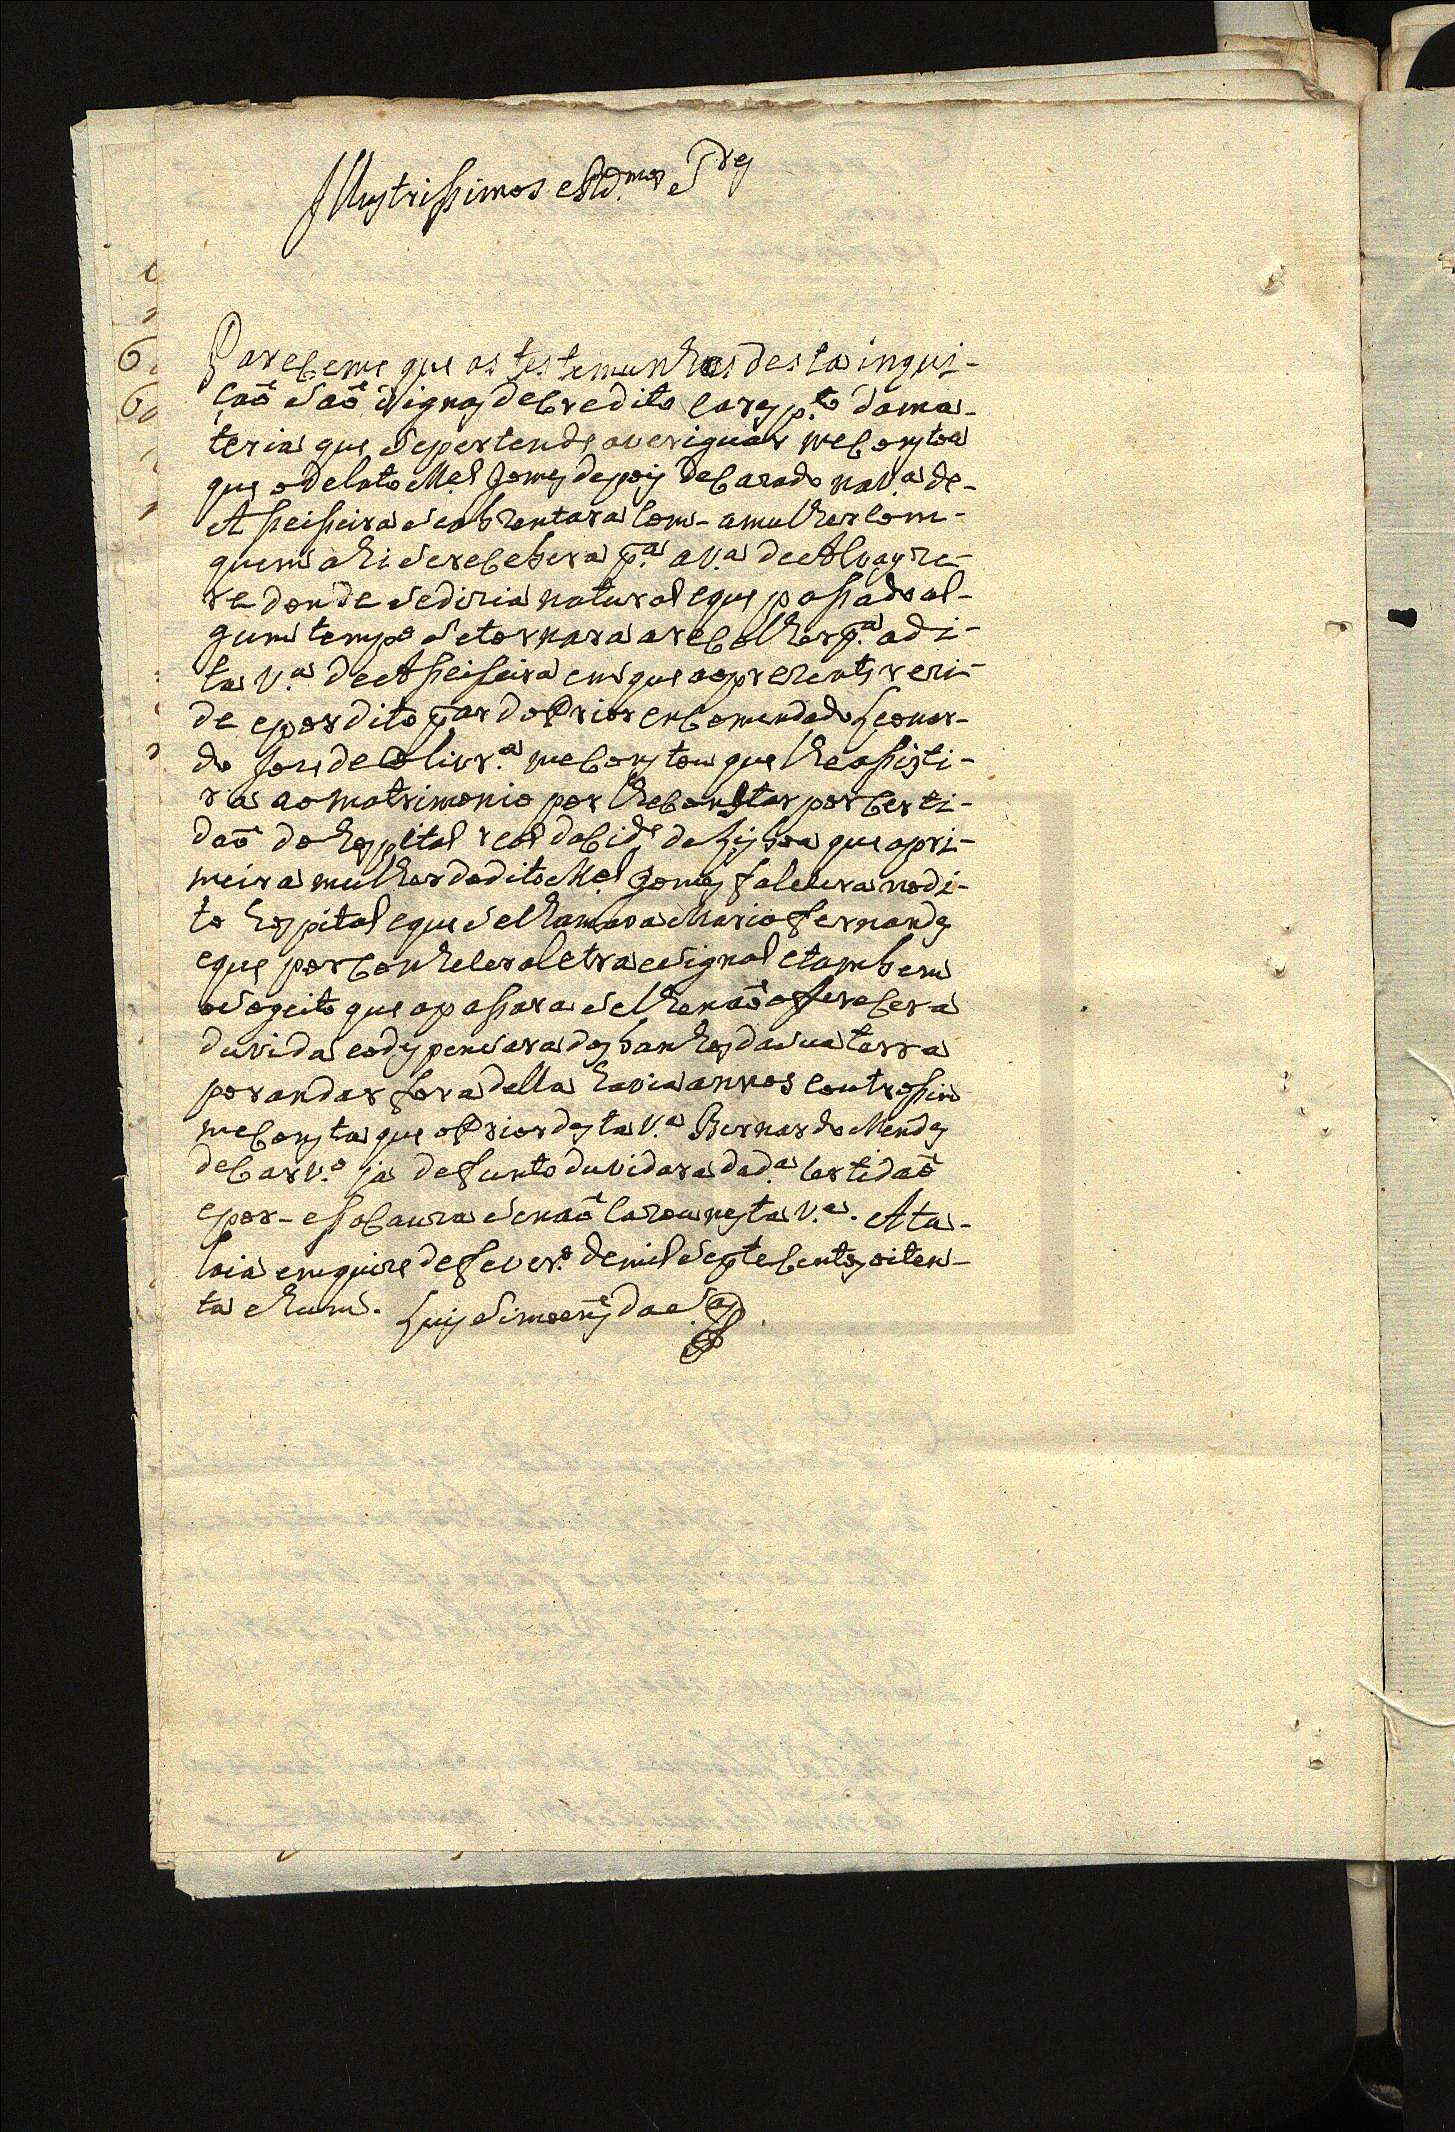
Jllustrissimos e Rev.mos S.res
Pareceme que as testemunhas desta inqui
çaõ saõ dignas de credito e a resp.to da ma
teria que se pertende averiguar me Constou
que o Delato M.el Gomes depois de Cazado na V.a de
Asseisseira se abzentara com a mulher com
quem ahi se reCebera pa a v.a de Alvayze
re donde se dizia natural e que passado al
gum tempo se tornara a recolher p.a a di
ta V.a de Asseisseira em que ao prezente rezi
de e por dito por do Prior encomendado Leonar
do Jose de Olivr.a me Constou que lhe assisti
ra ao matrimonio por lhe constar por certi
daõ do Hospital real da Cid.e de Lisboa que a pri
meira mulher do dito M.el Gomes falecera no di
to Hospital e que se chamava Mario Fernanda
e que por conhecer a letra e signal e tambem
o sogeito que a passara se lhe naõ offereCera
duvida e o despensara dos banhos da sua terra
por andar fora della Havia annos e outrossim
me Consta que o Prior desta V.a Bernardo Mendes
de Carv.o ja defunto duvidara da d.a certidaõ
e por - essa Cauza senaõ cazou nesta V.a. Ata
laia em quize de fever.o de mil sesteCentos oiten
ta e hum. Luis Simoens da S.a
